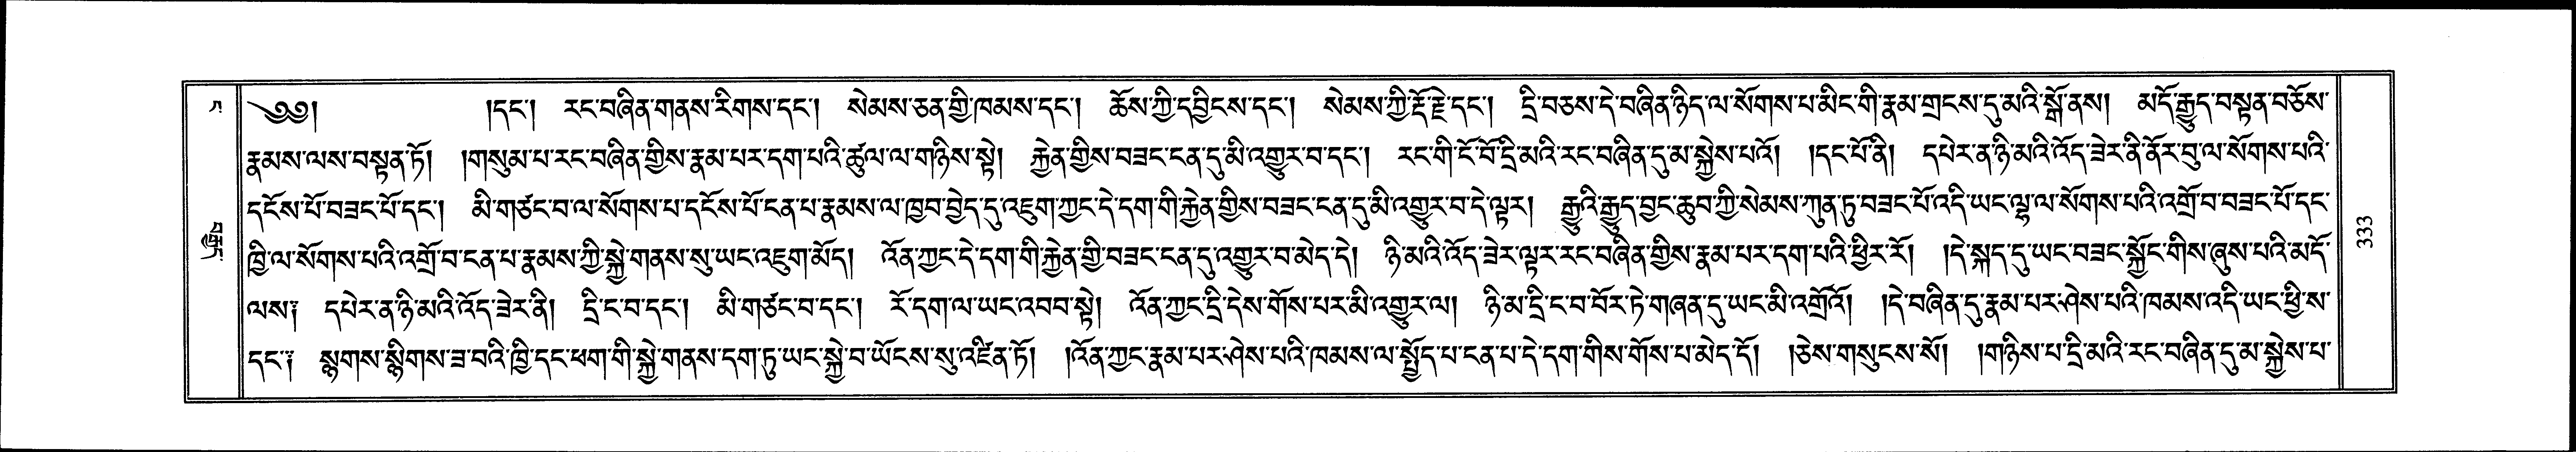༄༅། །དང་། རང་བཞིན་གནས་རིགས་དང་། སེམས་ཅན་གྱི་ཁམས་དང་། ཆོས་ཀྱི་དབྱིངས་དང་། སེམས་ཀྱི་རྡོ་རྗེ་དང་། དྲི་བཅས་དེ་བཞིན་ཉིད་ལ་སོགས་པ་མིང་གི་རྣམ་གྲངས་དུ་མའི་སྒོ་ནས། མདོ་རྒྱུད་བསྟན་བཅོས་
རྣམས་ལས་བསྟན་ཏོ། །གསུམ་པ་རང་བཞིན་གྱིས་རྣམ་པར་དག་པའི་ཚུལ་ལ་གཉིས་སྟེ། རྐྱེན་གྱིས་བཟང་ངན་དུ་མི་འགྱུར་བ་དང་། རང་གི་ངོ་བོ་དྲི་མའི་རང་བཞིན་དུ་མ་སྐྱེས་པའོ། །དང་པོ་ནི། དཔེར་ན་ཉི་མའི་འོད་ཟེར་ནི་ནོར་བུ་ལ་སོགས་པའི་
དངོས་པོ་བཟང་པོ་དང་། མི་གཙང་བ་ལ་སོགས་པ་དངོས་པོ་ངན་པ་རྣམས་ལ་ཁྱབ་བྱེད་དུ་འཇུག་ཀྱང་དེ་དག་གི་རྐྱེན་གྱིས་བཟང་ངན་དུ་མི་འགྱུར་བ་དེ་ལྟར། རྒྱུའི་རྒྱུད་བྱང་ཆུབ་ཀྱི་སེམས་ཀུན་ཏུ་བཟང་པོ་འདི་ཡང་ལྷ་ལ་སོགས་པའི་འགྲོ་བ་བཟང་པོ་དང་
ཁྱི་ལ་སོགས་པའི་འགྲོ་བ་ངན་པ་རྣམས་ཀྱི་སྐྱེ་གནས་སུ་ཡང་འཇུག་མོད། འོན་ཀྱང་དེ་དག་གི་རྐྱེན་གྱི་བཟང་ངན་དུ་འགྱུར་བ་མེད་དེ། ཉི་མའི་འོད་ཟེར་ལྟར་རང་བཞིན་གྱིས་རྣམ་པར་དག་པའི་ཕྱིར་རོ། །དེ་སྐད་དུ་ཡང་བཟང་སྐྱོང་གིས་ཞུས་པའི་མདོ་
ལས། དཔེར་ན་ཉི་མའི་འོད་ཟེར་ནི། དྲི་ང་བ་དང་། མི་གཙང་བ་དང་། རོ་དག་ལ་ཡང་འབབ་སྟེ། འོན་ཀྱང་དྲི་དེས་གོས་པར་མི་འགྱུར་ལ། ཉི་མ་དྲི་ང་བ་བོར་ཏེ་གཞན་དུ་ཡང་མི་འགྲོའོ། །དེ་བཞིན་དུ་རྣམ་པར་ཤེས་པའི་ཁམས་འདི་ཡང་ཕྱི་ས་
དང་། སྙགས་སྙིགས་ཟ་བའི་ཁྱི་དང་ཕག་གི་སྐྱེ་གནས་དག་ཏུ་ཡང་སྐྱེ་བ་ཡོངས་སུ་འཛིན་ཏོ། །འོན་ཀྱང་རྣམ་པར་ཤེས་པའི་ཁམས་ལ་སྤྱོད་པ་ངན་པ་དེ་དག་གིས་གོས་པ་མེད་དོ། །ཅེས་གསུངས་སོ། །གཉིས་པ་དྲི་མའི་རང་བཞིན་དུ་མ་སྐྱེས་པ་